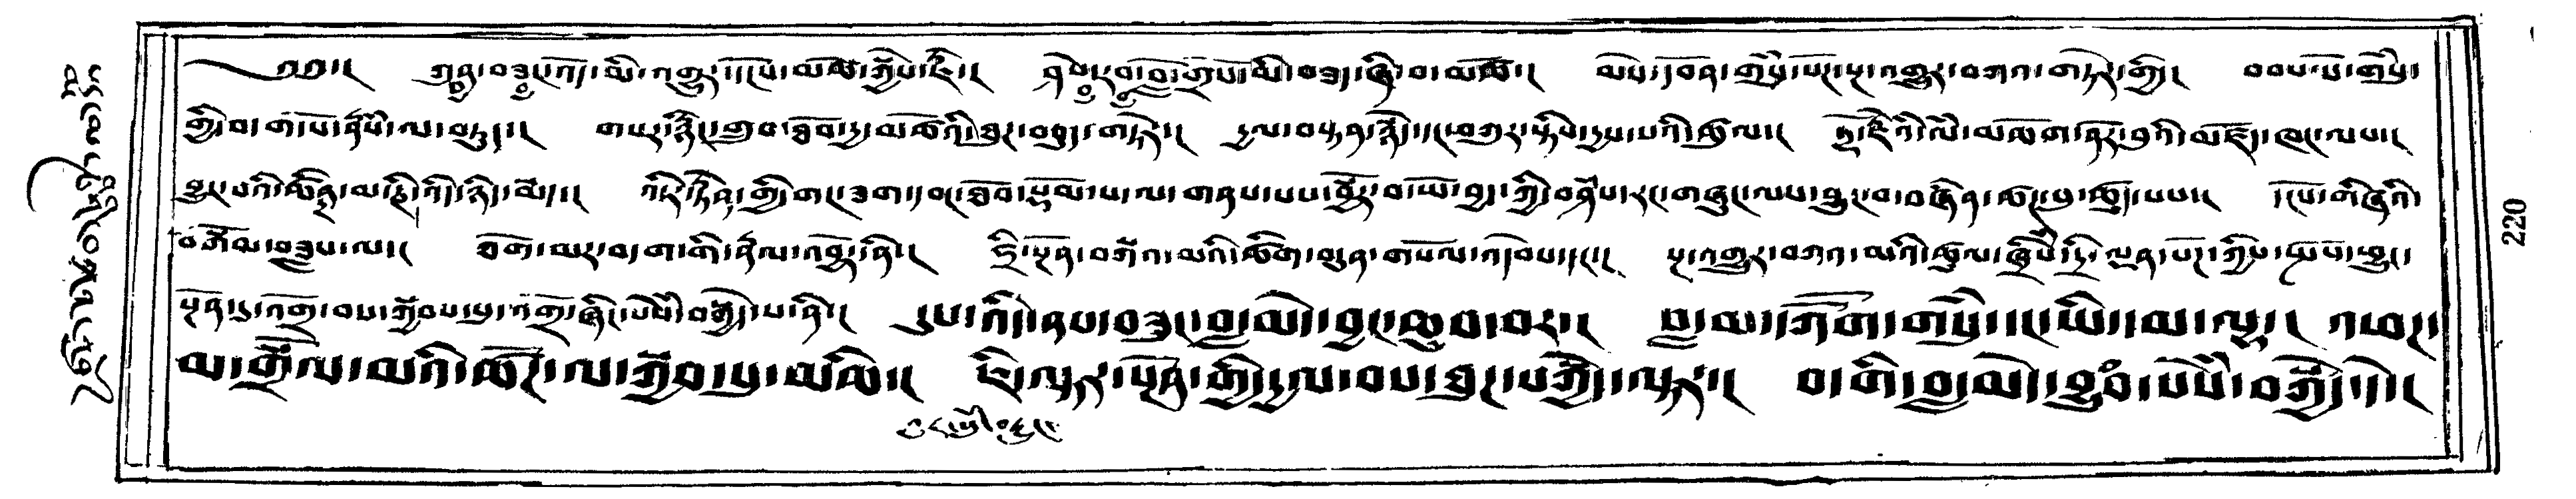ཀུན་བཟང་འོད་མི་འགྱུར་དངོས་མཚོ་སྐྱེས་རྗེ། །ཤེས་རབ་བློ་གྲོས་མི་ཟད་ཞི་བ་འཚོ། །མེས་དབོན་གསུམ་སོགས་སྔ་འགྱུར་བཀའ་གཏེར་གྱི། །བབས་སོ་གསུམ་
གྱི་བདག་པོ་རྣམས་ལ་བཏུད། །གསར་རྙིང་གྲུབ་ཐོབ་རྒྱ་མཚོའི་ཐུགས་བཅུད་གཏེར། །རྒྱལ་བསྟན་རྙེད་དང་བཀུར་སྟིས་རྒྱས་པའི་ཚུལ། །རྡོ་རྗེའི་ལམ་མཆོག་ནོར་བུའི་མཛོད་ཁང་ལས། 
བྱུང་བའི་ཙིནྟ་མ་ཎི་འདི་ཉིད་རྨད། །འདིར་བརྟེན་གྱི་གང་ཟག་དབང་ཐོབ་སྡོམ་པ་ལ་གནས་པས་སྦྱོར་བ་ཡོ་བྱང་བཤམས་རང་གཞུང་ལས་བྱུང་བ་བཞིན་ཚགས་སུ་ཚུད་པས། དངོས་གཞིའི་
བསྒོམ་བཟླས་ལ། ཐོག་མར་བདག་གི་རྣལ་འབྱོར་ནི། ཧྲི་སྔོན་བསྐལ་མའི་ཚིག་བདུན་གསོལ་འདེབས་དང་། །སྔ་འགྱུར་བཀའ་མའི་ཚུལ་ཁྲིམས་དྲི་ལྡན་སོགས་ཀྱིས་སྲོས་ཕྱུང་
སྔོན་དུ་འགྲོ་བས་སྐྱབས་སུ་འགྲོ་ཞིང་སེམས་བསྐྱེད་པ་ནི། དུས་འདི་ནས་བཟུང་བླ་མེད་བྱང་ཆུབ་བར། །བླ་མ་དཀོན་མཆོག་གསུམ་དང་ཡི་དམ་ལྷ། །འཕགས་
མ་སྒྲོལ་མའི་ཚོགས་ལ་སྐྱབས་སུ་མཆི།། འུར་སུམ་བརྡུང་། ཇི་ལྟར་སྔོན་གྱི་རྒྱལ་བས་ཐུགས་བསྐྱེད་ལྟར། །བདག་གི་བླ་མེད་བྱང་ཆུབ་སེམས་བསྐྱེད་དེ། །